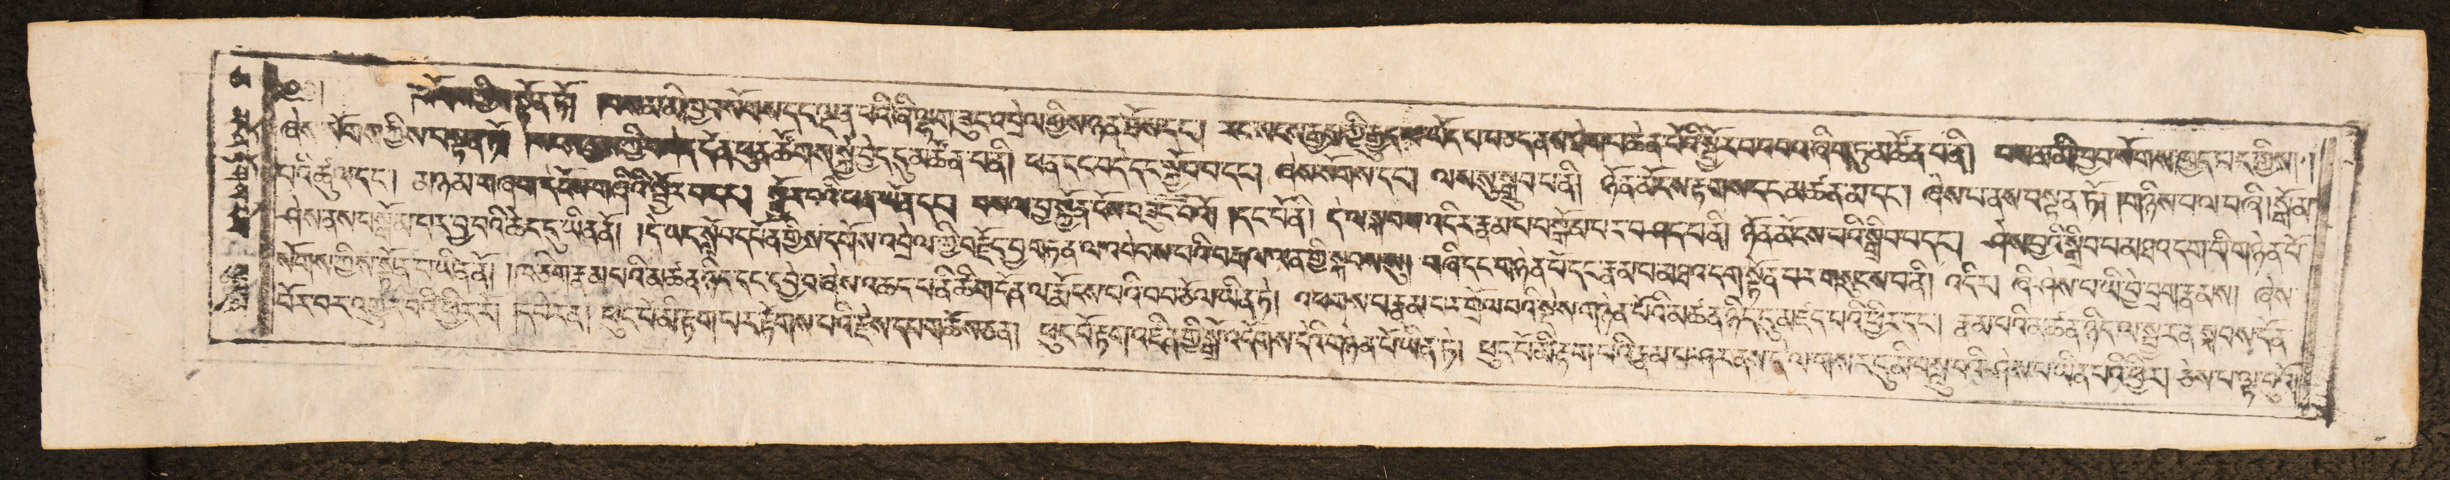༄༅། །སོགས་ཀྱིས་སྟོན་ཏོ། །བསམ་མི་ཁྱབ་སོགས་དང་ལྡན་པའི་ཞི་ལྷག་ཟུང་འབྲེལ་གྱིས་ཉན་ཐོས་དང་། རང་སངས་རྒྱས་ཀྱི་རྒྱུད་ལ་ཡོད་པ་བཅད་ནས་ཐེག་པ་ཆེན་པོའི་སྦྱོར་བ་འབའ་ཞིག་ཏུ་མཚོན་པ་ནི། བསམ་མི་ཁྱབ་སོགས་ཁྱད་པར་གྱིས། །
ཞེས་སོགས་ཀྱིས་བསྟན་ཏོ། །སངས་རྒྱས་ཀྱི་བཞེད་དོན་ཕུན་ཚོགས་སྐྱེ་བྱེད་དུ་མཚོན་པ་ནི། ཕན་དང་བདེ་དང་སྐྱོབ་པ་དང་། ཞེས་སོགས་དང་། ལས་སུ་སྒྲུབ་པ་ནི། ཉོན་མོངས་རྟགས་དང་མཚན་མ་དང་། ཞེས་པ་ནས་བསྟན་ཏོ། །གཉིས་པ་ལ་བཞི། སྒོམ་
པའི་ཚུལ་དང་། མཉམ་གཞག་དངོས་གཞིའི་སྦྱོར་བ་དང་། སྦྱོར་བའི་ཕན་ཡོན་དང་། བསལ་བྱ་སྐྱོན་ངོས་བཟུང་བའོ། །དང་པོ་ནི། དེ་ལ་སྐབས་འདིར་རྣམ་པ་བསྒོམ་པར་བཤད་པ་ནི། ཉོན་མོངས་པའི་སྒྲིབ་པ་དང་། ཤེས་བྱའི་སྒྲིབ་པ་མཐའ་དག་གི་གཉེན་པོ་
ཤེས་ནས་བསྒོམ་པར་བྱ་བའི་ཆེད་དུ་ཡིན་ནོ། །དེ་ཡང་སློབ་དཔོན་གྱིས་དགོས་འབྲེལ་གྱི་བརྗོད་བྱ་གཏན་ལ་འབེབས་པའི་བརྒལ་ལན་གྱི་སྐབས་སུ། གཞི་དང་གཉེན་པོ་དང་རྣམ་པ་མཐའ་དག་སྟོན་པར་གསུངས་པ་ནི། འདིར། ཞི་ཤེས་པ་ཡི་བྱེ་བྲག་རྣམས། ཞེས་
སོགས་ཀྱིས་སྟོན་པ་ཡིན་ནོ། །ཁ་ཅིག་རྣམ་པའི་མཚན་ཉིད་དང་དབྱེ་བ་ཞེས་འཆད་པ་ནི་ཚིག་དོན་ལ་རྨོངས་པའི་བབ་ཅོལ་ཡིན་ཏེ། འཕགས་པ་རྣམ་པར་གྲོལ་བའི་སྡེས་གཉེན་པོའི་མཚན་ཉིད་དུ་མཛད་པའི་ཕྱིར་དང་། རྣམ་པའི་མཚན་ཉིད་ལ་སྦྱར་ན་སྐབས་དོན་
བོར་བར་འགྱུར་བའི་ཕྱིར་རོ། །དཔེར་ན། ཕུང་པོ་མི་རྟག་པར་རྟོགས་པའི་རྗེས་དཔག་ཆོས་ཅན། ཕུང་པོ་རྟག་འཛིན་གྱི་སྒྲོ་འདོགས་འདོགས་དེའི་གཉེན་པོ་ཡིན་ཏེ། ཕུང་པོ་མི་རྟག་པའི་རྣམ་པ་ཤར་ནས་དེ་ལ་གསར་དུ་མི་བསླུ་བའི་ཤེས་པ་ཡིན་པའི་ཕྱིར། ཅེས་པ་ལྟ་བུའོ།།